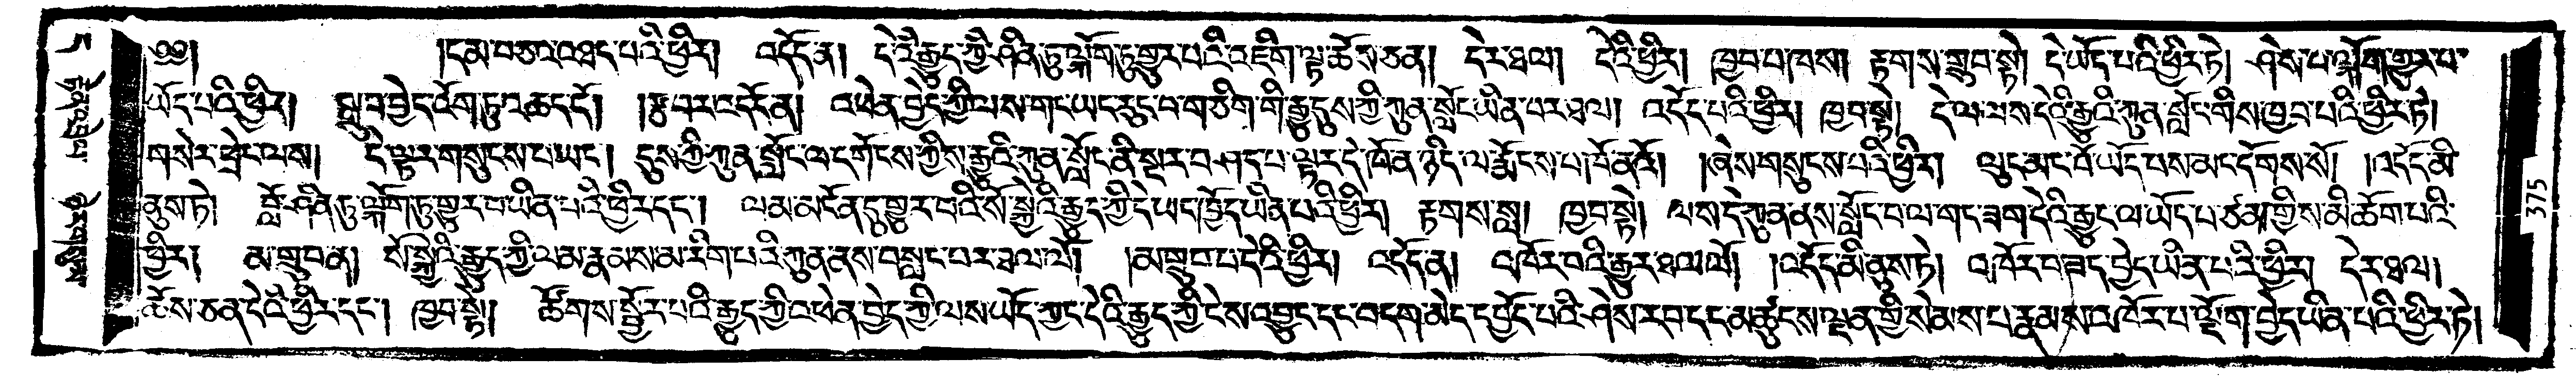༄༅། །དམ་བཅའ་འཐད་པའི་ཕྱིར། འདོད་ན། དེའི་རྒྱུད་ཀྱི་ཤིན་ཏུ་ལྐོག་ཏུ་གྱུར་པའི་འཇིག་ལྟ་ཆོས་ཅན། དེར་ཐལ། དེའི་ཕྱིར། ཁྱབ་པ་ཁས། རྟགས་གྲུབ་སྟེ། དེ་ཡོད་པའི་ཕྱིར་ཏེ། ཤེས་པ་ལྐོག་གྱུར་པ་
ཡོད་པའི་ཕྱིར། སྒྲུབ་བྱེད་འོག་ཏུ་འཆད་དོ། །རྩ་བར་འདོད་ན། འཕེན་བྱེད་ཀྱི་ལས་གང་ཡང་རུང་བ་གཅིག་གི་རྒྱུ་དུས་ཀྱི་ཀུན་སློང་ཡིན་པར་ཐལ། འདོད་པའི་ཕྱིར། ཁྱབ་སྟེ། དེ་ལ་ལས་དེའི་རྒྱུའི་ཀུན་སློང་གིས་ཁྱབ་པའི་ཕྱིར་ཏེ།
གསེར་ཕྲེང་ལས། དེ་ལྟར་གསུངས་པ་ཡང་། དུས་ཀྱི་ཀུན་སློང་ལ་དགོངས་ཀྱིས་རྒྱུའི་ཀུན་སློང་ནི་སྔར་བཤད་པ་ལྟར་དེ་ཁོ་ན་ཉིད་ལ་རྨོངས་པ་ཁོ་ནའོ། །ཞེས་གསུངས་པའི་ཕྱིར། ལུང་མང་པོ་ཡོད་པས་མང་དོགས་སོ། །འདོད་མི་
ནུས་ཏེ། བློ་ཤིན་ཏུ་ལྐོག་ཏུ་གྱུར་བ་ཡིན་པའི་ཕྱིར་དང་། ལམ་མངོན་དུ་གྱུར་བའི་སོ་སྐྱེའི་རྒྱུད་ཀྱི་དེ་ཡང་ཁྱོད་ཡིན་པའི་ཕྱིར། རྟགས་སླ། ཁྱབ་སྟེ། ལས་དེ་ཀུན་ནས་སློང་བ་ལ་གང་ཟག་དེའི་རྒྱུད་ལ་ཡོད་པ་ཙམ་གྱིས་མི་ཆོག་པའི་
ཕྱིར༑ མ་གྲུབ་ན། སོ་སྐྱེའི་རྒྱུད་ཀྱི་ལམ་རྣམས་མ་རིག་པའི་ཀུན་ནས་བསླང་པར་ཐལ་ལོ། །མ་གྲུབ་པ་དེའི་ཕྱིར། འདོད་ན། འཁོར་བའི་རྒྱུར་ཐལ་ལོ། །འདོད་མི་ནུས་ཏེ། འཁོར་བ་ཟད་བྱེད་ཡིན་པའི་ཕྱིར། དེར་ཐལ།
ཆོས་ཅན་དེའི་ཕྱིར་དང་། ཁྱབ་སྟེ། ཚོགས་སྦྱོར་པའི་རྒྱུད་ཀྱི་འཕེན་བྱེད་ཀྱི་ལས་ཡོད་ཀྱང་དེའི་རྒྱུད་ཀྱི་ངེས་འབྱུང་དང་བདག་མེད་དཔྱོད་པའི་ཤེས་རབ་དང་མཚུངས་ལྡན་གྱི་སེམས་པ་རྣམས་འཁོར་པ་ལྡོག་བྱེད་ཡིན་པའི་ཕྱིར་ཏེ།